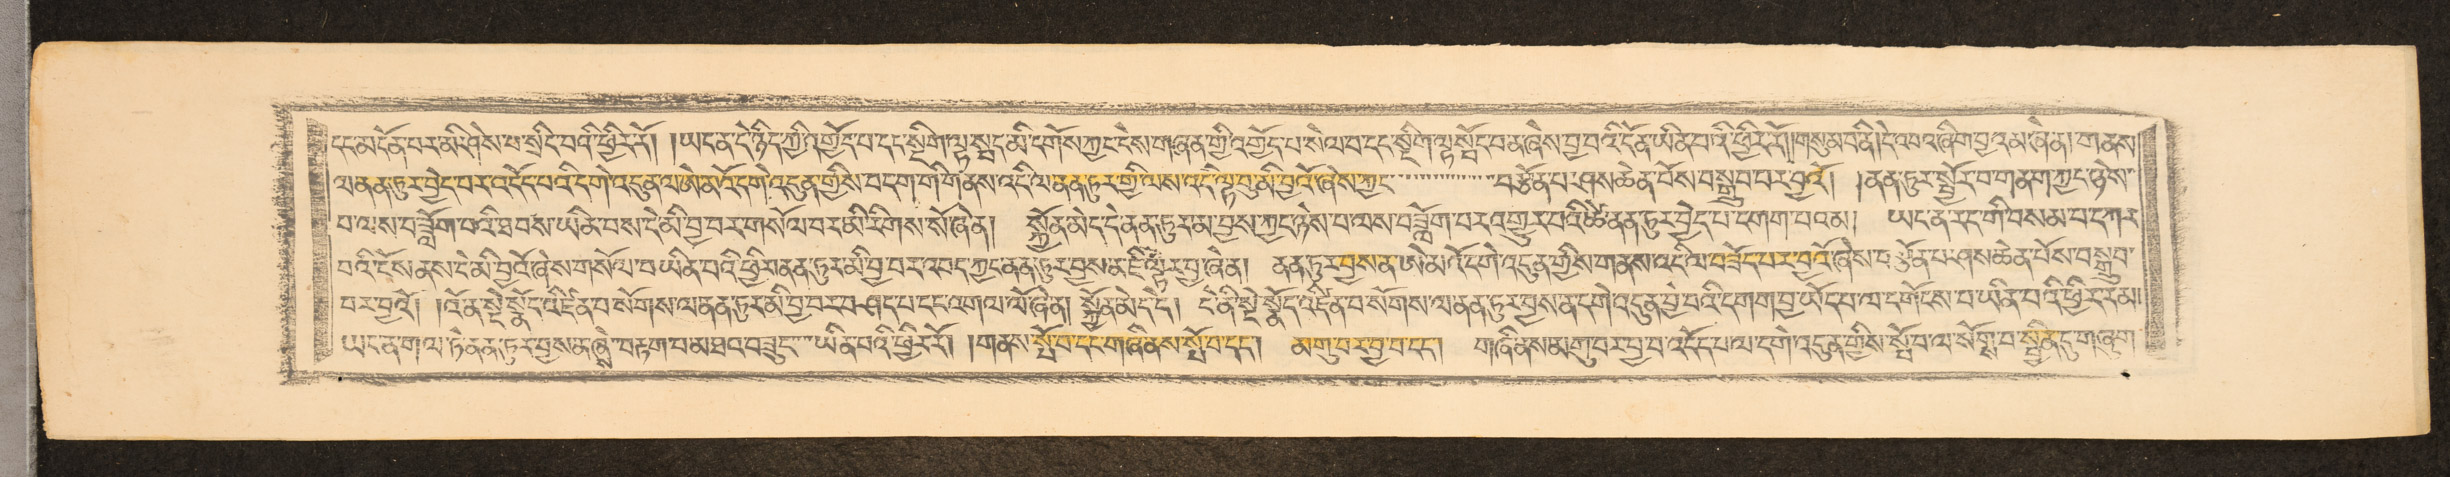དང་མངོན་པར་མི་ཤེས་པ་སྲིད་པའི་ཕྱིར་རོ། །ཡང་ན་དེ་ཉིད་ཀྱི་འགྱོད་པ་དང་སྡིག་ལྟ་སྤང་མི་དགོས་ཀྱང་དེས་གཞན་གྱི་འགྱོད་པ་སེལ་བ་དང་སྡིག་ལྟ་སྤོང་བ་ན་ཞེས་བྱ་བའི་དོན་ཡིན་པའི་ཕྱིར་རོ། །གསུམ་པ་ནི། དེ་འབའ་ཞིག་བྱའམ་ཞེ་ན། གནས་
ལ་ནན་ཏུར་བྱེད་པར་འདོད་པའི་དགེ་འདུན་ལ་ཨེ་མའོ་དགེ་འདུན་གྱིས་བདག་གི་གནས་འདི་ལ་ནན་ཏུར་གྱི་ལས་འདི་ལྟ་བུ་མི་བྱའོ་ཞེས་ཀྱང་བརྩོན་པ་ཤས་ཆེན་པོས་བསྒྲུབ་པར་བྱའོ། །ནན་ཏུར་སྦྱོར་བ་གནག་ཀྱང་ཉེས་
པ་ལས་བཟློག་པའི་ཐབས་ཡིན་པས་དེ་མི་བྱ་བར་གསོལ་བར་མི་རིགས་སོ་ཞེ་ན། སྐྱོན་མེད་དེ་ནན་ཏུར་མ་བྱས་ཀྱང་ཉེས་པ་ལས་བཟློག་པར་འགྱུར་བའི་ཚེ་ནན་ཏུར་བྱེད་པ་དགག་པའམ། ཡང་ན་རང་གི་བསམ་པ་དཀར་
པའི་ངོས་ནས་དེ་མི་བྱའོ་ཞེས་གསོལ་བ་ཡིན་པའི་ཕྱིར། ནན་ཏུར་མི་བྱ་བར་འབད་ཀྱང་ནན་ཏུར་བྱས་ན་ཇི་ལྟར་བྱ་ཞེ་ན། ནན་ཏུར་བྱས་ན་ཨེ་མའོ་དགེ་འདུན་གྱིས་གནས་འདི་ལ་བཟོད་པར་བྱའོ་ཞེས་བརྩོན་པ་ཤས་ཆེན་པོས་བསྒྲུབ་
པར་བྱའོ། །འོ་ན་སྡེ་སྣོད་འཛིན་པ་སོགས་ལ་ནན་ཏུར་མི་བྱ་བར་བཤད་པ་དང་འགལ་ལོ་ཞེ་ན། སྐྱོན་མེད་དེ། དེ་ནི་སྡེ་སྣོད་འཛིན་པ་སོགས་ལ་ནན་ཏུར་བྱས་ན་དགེ་འདུན་བྱེ་བའི་དགག་བྱ་ཡོད་པ་ལ་དགོངས་པ་ཡིན་པའི་ཕྱིར་རམ་
ཡང་ན་གལ་ཏེ་ནན་ཏུར་བྱས་ན་ཞེས་བརྟག་པ་མཐའ་བཟུང་ཡིན་པའི་ཕྱིར་རོ། །གནས་སྦོ་བ་དང་གཞི་ནས་སྦོ་བ་དང་། མགུ་བར་བྱ་བ་དང་། གཞི་ནས་མགུ་བར་བྱ་བ་འདོད་པ་ལ་དགེ་འདུན་གྱིས་སྤོ་བ་ལ་སོགས་པ་སྦྱིན་དུ་གཞུག་